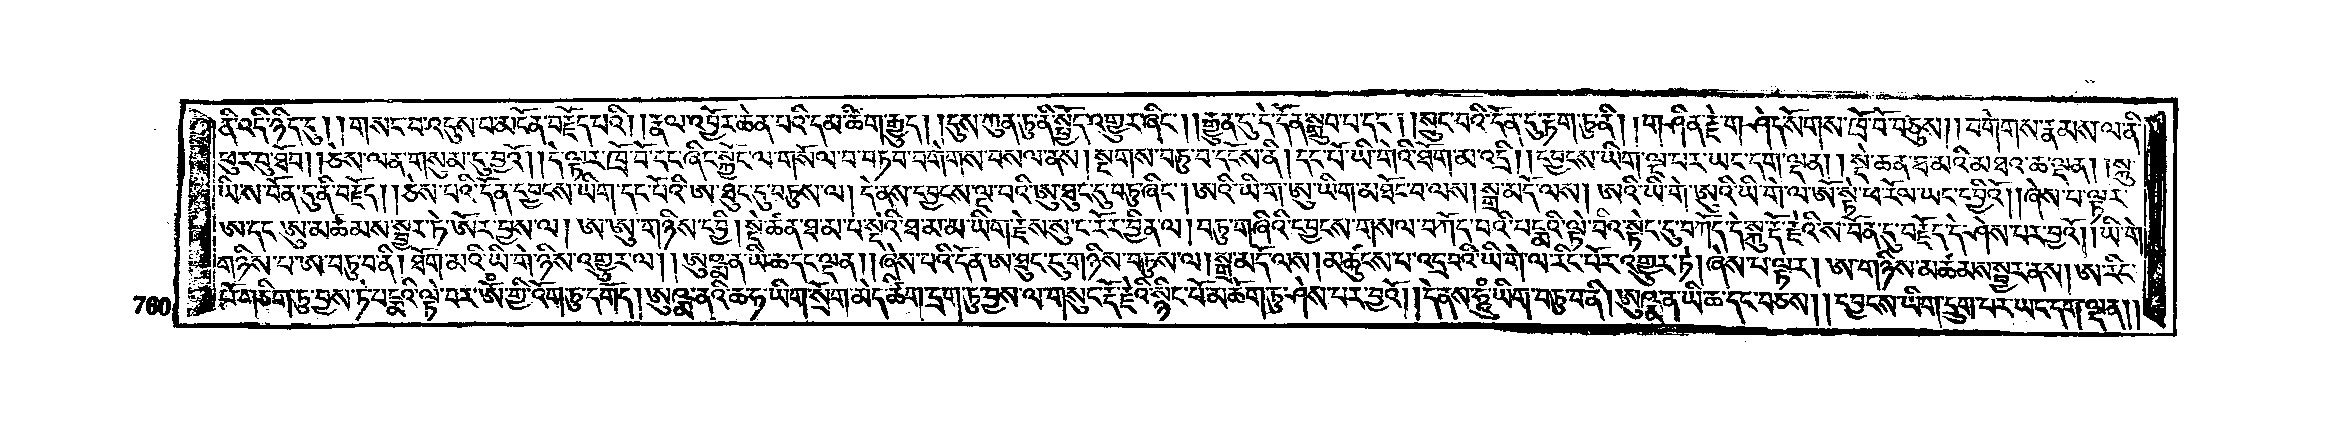ནི་འདི་ཉིད་དུ། །གསང་བ་འདུས་པ་མངོན་བརྗོད་པའི། །རྣལ་འབྱོར་ཆེན་པའི་དམ་ཚིག་རྒྱུད། །དུས་ཀུན་ཏུ་ནི་སྤྱོད་འགྱུར་ཞིང་། །རྒྱུན་དུ་དེ་དོན་སྒྲུབ་པ་དང་། །སྲུང་བའི་དོན་དུ་རྟག་ཏུ་ནི། །གཤིན་རྗེ་གཤེད་སོགས་ཁྲོ་བོ་བཅུས། །བགེགས་རྣམས་ལ་ནི་
ཕུར་བུ་ཐོབ། །ཅེས་ལན་གསུམ་དུ་བྱའོ། །དེ་ལྟར་ཁྲོ་བོ་དང་ཞིང་སྐྱོང་ལ་གསོལ་བ་བཏབ་བགེགས་བསལ་ནས། སྔགས་བཏུ་བ་དངོས་ནི། དང་པོ་ཡི་གེའི་ཐོག་མ་འདྲི། །དབྱངས་ཡིག་ལྔ་པར་ཡང་དག་ལྡན། །སྡེ་ཚན་ཐ་མའི་མཐའ་ཆ་ལྡན། །སྐུ་
ཡི་ས་བོན་དུ་ནི་བརྗོད། །ཅེས་པའི་དོན་དབྱངས་ཡིག་དང་པོའི་ཨ་ཐུང་དུ་བཏུས་ལ། དེ་ནས་དབྱངས་ལྔ་པའི་ཨུ་ཐུང་དུ་བཏུ་ཞིང་། ཨཱི་ཡི་གེ་ཨུ་ཡིག་མཐོང་བ་ལས། སྒྲ་མདོ་ལས། ཨཱི་ཡི་གེ་ཨུའི་ཡི་གེ་ལ་ཨོ་སྟེ་ཕ་རོལ་ཡང་དབྱིའོ། །ཞེས་པ་ལྟར་
ཨ་དང་ཨུ་མཚམས་སྦྱར་ཏེ་ཨོར་བྱས་ལ། ཨ་ཨུ་གཉིས་དབྱི། སྡེ་ཚན་ཐ་མ་པ་སྡེའི་ཐ་མ་མ་ཡིག་རྗེས་སུ་ང་རོར་བྱིན་ལ། བཏུ་གཞིའི་དབྱངས་གསལ་བཀོད་པའི་པདམའི་ལྟེ་བའི་སྟེང་དུ་བཀོད་དེ་སྐུ་རྡོ་རྗེའི་ས་བོན་དུ་བརྗོད་དེ་ཤེས་པར་བྱའོ། །ཡི་གེ་
གཉིས་པ་ཨ་བཏུ་བ་ནི། ཐོག་མའི་ཡི་གེ་ཉིས་འགྱུར་ལ། །ཨུཥྨ་ན་ཡི་ཆ་དང་ལྡན། །ཞེས་པའི་དོན་ཨ་ཐུང་དུ་གཉིས་བཏུས་ལ། སྒྲ་མདོ་ལས། མཚུངས་པ་འདྲ་བའི་ཡི་གེ་ལ་རིང་པོར་འགྱུར་ཏེ། ཞེས་པ་ལྟར། ཨ་གཉིས་མཚམས་སྦྱར་ནས། ཨ་རིང་
པོ་གཅིག་ཏུ་བྱས་ཏེ་པདམའི་ལྟེ་བར་ཨོཾ་གྱི་འོག་ཏུ་དགོད། ཨུཥྨ་ནའི་ཆ་ཧ་ཡིག་སྲོག་མེད་ཚིག་དྲག་ཏུ་བྱས་ལ་གསུང་རྡོ་རྗེའི་སྙིང་པོ་མཆོག་ཏུ་ཤེས་པར་བྱའོ། །དེ་ནས་ཧཱུཾ་ཡིག་བཏུ་བ་ནི། ཨུཥྨ་ན་ཡི་ཆ་དང་བཅས། །དབྱངས་ཡིག་དྲུག་པར་ཡང་དག་ལྡན། །